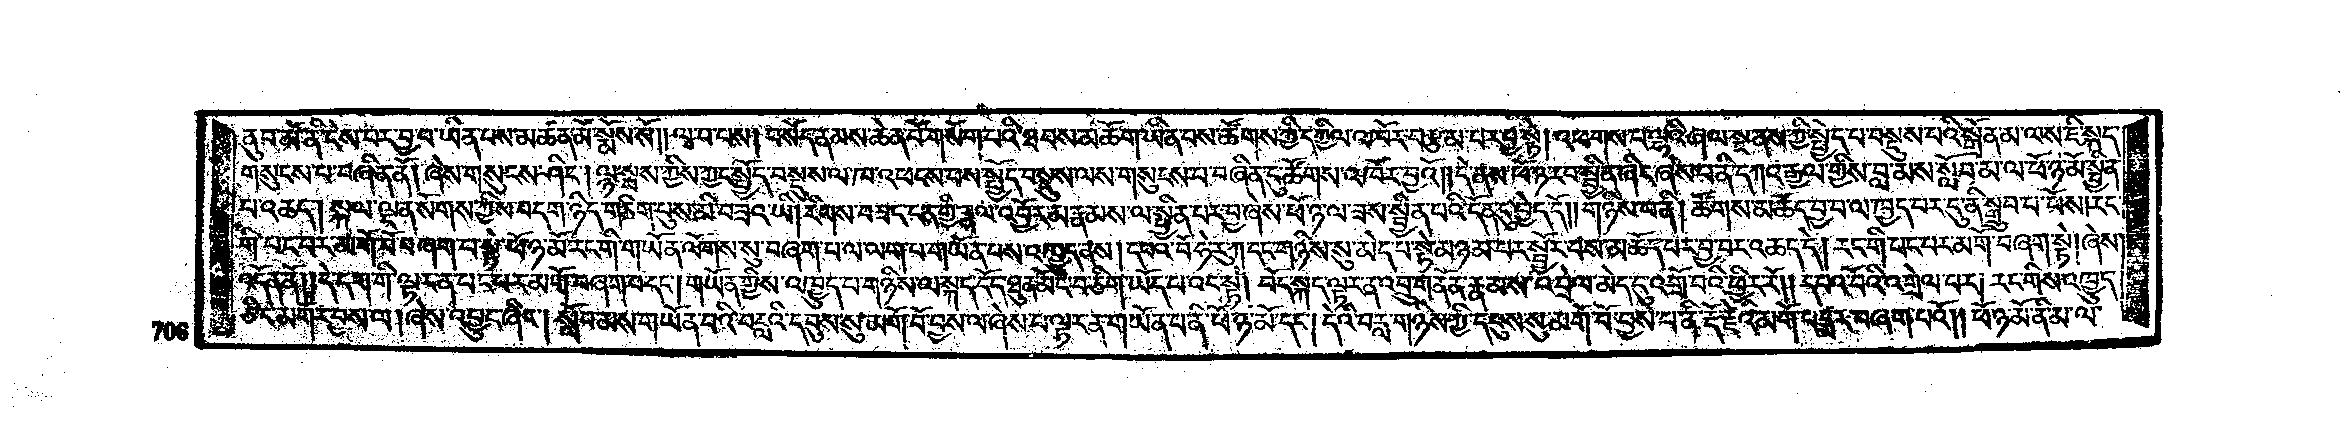ནུབ་མོ་ནི་ངེས་པར་བྱ་བ་ཡིན་པས་མཚན་མོ་སྨོས་སོ། །ལྭ་བ་པས། བསོད་ནམས་ཆེན་པོ་གསོག་པའི་ཐབས་མཆོག་ཡིན་པས་ཚོགས་ཀྱི་དཀྱིལ་འཁོར་བརྩམ་པར་བྱ་སྟེ། འཕགས་པ་ལྷའི་ཞལ་སྔ་ནས་ཀྱི་སྤྱོད་པ་བསྡུས་པའི་སྒྲོན་མ་ལས་ཇི་སྐད་
གསུངས་པ་བཞིན་ནོ། ཞེས་གསུངས་ཤིང་། ལྭ་བ་པས་ཀྱིས་ཀྱང་སྤྱོད་བསྡུས་ལ་ཁ་འཕངས་པས་སྤྱོད་བསྡུས་ལས་གསུངས་པ་བཞིན་དུ་ཚོགས་འཁོར་བྱའོ། །དེ་ནས་ཕོ་ཉ་རབ་སྦྱིན་ཞིང་ཞེས་པ་ནི་དཀའ་རྒྱལ་གྱིས་བླ་མས་སློབ་མ་ལ་ཕོ་ཉ་མོ་སྦྱིན་
པ་འཆད། སྐལ་ལྡན་སོགས་ཀྱིས་བདག་ཉིད་གཅིག་པུས་མི་བཟའ་ཡི། རིགས་བཟང་ངན་གྱི་རྣལ་འབྱོར་མ་རྣམས་ལ་སྦྱིན་པར་བྱ་ཞེས་ཕོ་ཉ་ལ་ཟས་སྦྱིན་པའི་དོན་དུ་བྱེད་དོ། །གཉིས་པ་ནི། ཚོགས་མཆོད་བྱ་བ་ལ་ཁྱད་པར་དུ་ནི་སྒྲུབ་པ་པོས། རང་
གི་པང་པར་མགོ་བོ་བཞག་པ་སྟེ་ཕོ་ཉ་མོ་རང་གི་གཡོན་ལོགས་སུ་བཞག་པ་ལ་ལག་པ་གཡོན་པས་འཁྱུད་ནས། དཔའ་བོ་ཧེ་རུ་ཀ་དང་གཉིས་སུ་མེད་པ་སྟེ་མཉམ་པར་སྦྱོར་བས་མཆོད་པར་བྱ་བར་འཆད་དེ། རང་གི་པང་པར་མགོ་བཞག་སྟེ། ཞེས་
འདོན་ནོ། །དེ་དག་གི་ལྟར་ན་པང་པར་མགོ་བཞག་པ་དང་། གཡོན་གྱིས་འཁྱུད་པ་གཉིས་ལ་སྐད་དོད་ཐུན་མོང་བ་ཅིག་ཡོད་པ་འདྲ་སྟེ། བོད་སྐད་ལྟར་ན་འབྲུ་གནོན་རྣམས་འབྲེལ་མེད་དུ་འགྲོ་བའི་ཕྱིར་རོ། །དཔའ་བོའི་འགྲེལ་པར། རང་གིས་འཁྱུད་
ཅིང་མགོར་བྱས་ལ། ཞེས་འབྱུང་ཞིང་། སློབ་མས་གཡོན་པའི་བརླའི་དབུས་སུ་མགོ་བོ་བྱས་ལ་ཞེས་པ་ལྟར་ན་གཡོན་པ་ནི་ཕོ་ཉ་མོ་དང་། དེའི་བརླ་གཉིས་ཀྱི་དབུས་སུ་མགོ་བོ་བྱས་པ་ནི་རྡོ་རྗེའི་མགོ་པདམར་བཞག་པའོ། །ཕོ་ཉ་མོ་ནི་མ་ལ་